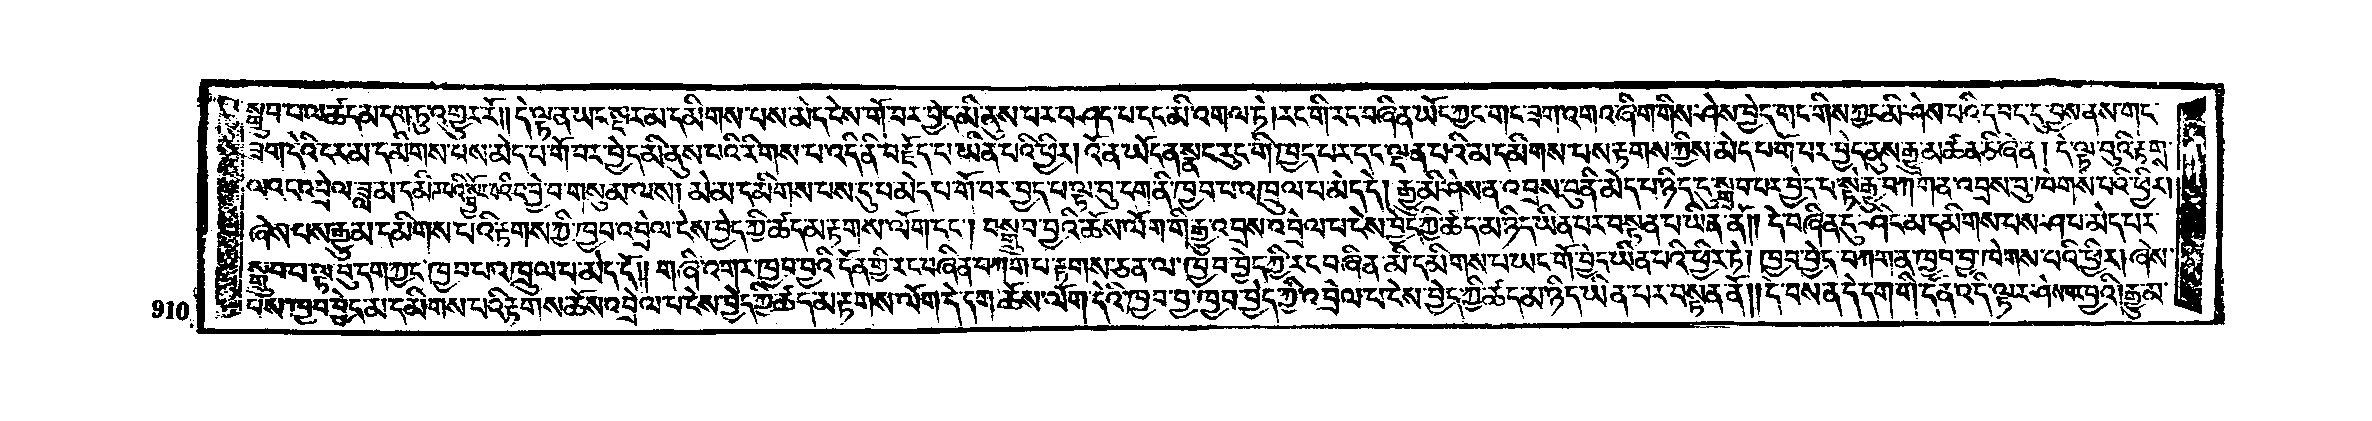སྒྲུབ་པ་ལ་ཚད་མ་དག་ཏུ་འགྱུར་རོ། །དེ་ལྟ་ན་ཡང་སྔར་མ་དམིགས་པས་མེད་ངེས་གོ་བར་བྱེད་མི་ནུས་པར་བཤད་པ་དང་མི་འགལ་ཏེ། རང་གི་རང་བཞིན་ཡོད་ཀྱང་གང་ཟག་འགའ་ཞིག་གིས་ཤེས་བྱེད་གང་གིས་ཀྱང་མི་ཤེས་པའི་དབང་དུ་བྱས་ནས་གང་
ཟག་དེའི་ངར་མ་དམིགས་པས་མེད་པ་གོ་བར་བྱེད་མི་ནུས་པའི་རིགས་པ་འདི་ནི་བརྗོད་པ་ཡིན་པའི་ཕྱིར། འོ་ན་ཡོད་ན་སྣགན་རུང་གི་ཁྱད་པར་དང་ལྡན་པའི་མ་དམིགས་པས་རྟགས་ཀྱིས་མེད་པ་གོ་བར་བྱེད་ནུས་རྒྱུ་མཚན་ཅི་ཞེ་ན། དེ་ལྟ་བུའི་རྟགས་
ལའང་འབྲེལ་ཟླ་མ་དམིགས་པའི་སྦྱོར་བའི་དབྱེ་བ་གསུམ་ལས། མེ་མ་དམིགས་པས་དུ་བ་མེད་པ་གོ་བར་བྱད་པ་ལྟ་བུ་དག་ནི་ཁྱབ་པ་འགྲུལ་པ་མེད་དེ། རྒྱུ་མི་ཤེས་ན་འབྲས་བུ་ནི་མེད་པ་ཉིད་དུ་སྒྲུབ་པར་བྱེད་པ་སྟེ་རྒྱུ་བཀག་ན་འབྲས་བུ་ཁེགས་པའི་ཕྱིར།
ཞེས་པས་རྒྱུ་མ་དམིགས་པའི་རྟགས་ཀྱི་ཁྱབ་འབྲེལ་ངེས་བྱེད་ཀྱི་ཚད་མ་རྟགས་ལོག་དང་། བསྒྲུབ་བྱའི་ཆོས་ལོག་གི་རྒྱུ་འབྲས་འབྲེལ་པ་ངེས་བྱེད་ཀྱི་ཚད་མ་ཉིད་ཡིན་པར་བསྟན་པ་ཡིན་ནོ། །དེ་བཞིན་དུ་ཤིང་མ་དམིགས་པས་ཤ་བ་མེད་པར་
སྒྲུབ་པ་ལྟ་བུ་དག་ཀྱང་ཁྱབ་པ་འྐྲུལ་པ་མེད་དོ། །གཞི་འགར་ཁྱབ་བྱའི་དོན་གྱི་རང་བཞིན་བཀག་པ་རྟགས་ཅན་ལ་ཁྱབ་བྱེད་ཀྱི་རང་བཞིན་མི་དམིགས་པ་ཡང་གོ་བྱེད་ཡིན་པའི་ཕྱིར་ཏེ། ཁྱབ་བྱེད་བཀག་ན་ཁྱབ་བྱ་ཁེགས་པའི་ཕྱིར། ཞེས་
པས་ཁཡབ་བྱེད་མ་དམིགས་པའི་རྟགས་ཆོས་འབྲེལ་པ་ངེས་བྱེད་ཀྱི་ཚད་མ་རྟགས་ལོག་དེ་དག་ཆོས་ལོག་དེའི་ཁྱབ་བྱ་ཁྱབ་བྱེད་ཀྱི་འབྲེལ་པ་ངེས་བྱེད་ཀྱི་ཚད་མ་ཉིད་ཡིན་པར་བསྟན་ནོ། །དེ་བས་ན་དེ་དག་གི་དོན་འདི་ལྟར་ཤེས་པར་བྱའི། རྒྱུ་མ་